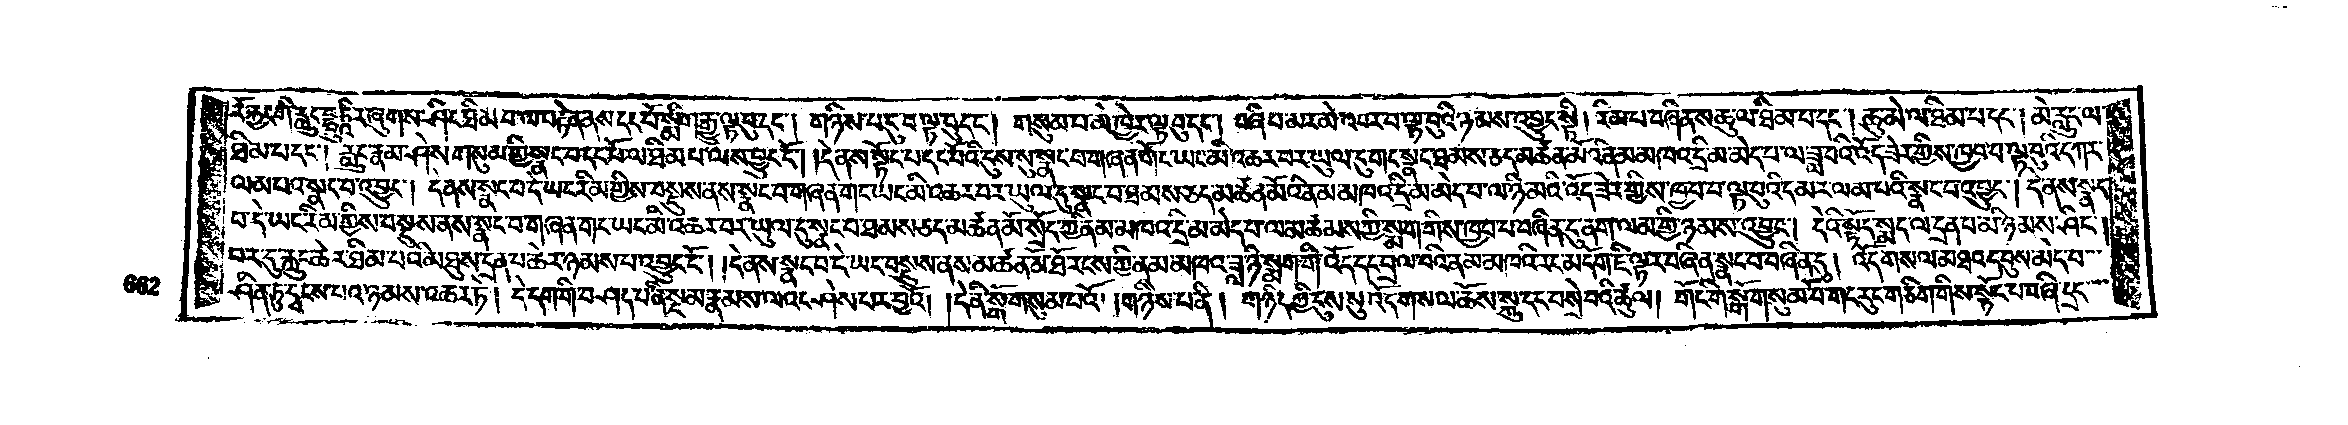རོ་རྐྱང་གི་རླུང་དྷཱུ་ཏཱིར་ཞུགས་ཤིང་ཐིམ་པ་ལ་བརྟེན་ནས་དང་པོ་སྨིག་རྒྱུ་ལྟ་བུ་དང་། གཉིས་པ་དུ་བ་ལྟ་བུ་དང་། གསུམ་པ་མེ་ཁྱེར་ལྟ་བུ་དང་། བཞི་པ་མར་མེ་འབར་བ་ལྟ་བུའི་ཉམས་འབྱུང་སྟེ། རིམ་པ་བཞིན་ས་ཆུ་ལ་ཐིམ་པ་དང་། ཆུ་མེ་ལ་ཐིམ་པ་དང་། མེ་རླུང་ལ་
ཐིམ་པ་དང་། རླུང་རྣམ་ཤེས་གསུམ་གྱི་སྣང་བ་དང་པོ་ལ་ཐིམ་པ་ལས་བྱུང་ངོ། །དེ་ནས་སྟོང་པ་དང་པོའི་དུས་སུ་སྣང་བ་གཞན་གང་ཡང་མི་འཆར་བར་ཡུལ་དུ་གང་སྣང་ཐམས་ཅད་མཚན་མོའི་ནམ་མཁའ་དྲི་མ་མེད་པ་ལ་ཟླ་བའི་འོད་ཟེར་གྱིས་ཁྱབ་པ་ལྟ་བུའི་དཀར་
ལམ་པའི་སྣང་བ་འབྱུང་། དེ་ནས་སྣང་བ་དེ་ཡང་རིམ་གྱིས་བསྡུས་ནས་སྣང་བ་གཞན་གང་ཡང་མི་འཆར་བར་ཡུལ་དུ་སྣང་བ་ཐམས་ཅད་མཚན་མོའི་ནམ་མཁའ་དྲི་མ་མེད་པ་ལ་ཉི་མའི་འོད་ཟེར་གྱིས་ཁྱབ་པ་ལྟ་བུའི་དམར་ལམ་པའི་སྣང་བ་འབྱུང་། དེ་ནས་སྣང་
བ་དེ་ཡང་རིམ་གྱིས་བསྡུས་ནས་སྣང་བ་གཞན་གང་ཡང་མི་འཆར་བར་ཡུལ་དུ་སྣང་བ་ཐམས་ཅད་མཚན་མོ་སྲོད་ཀྱི་ནམ་མཁའ་དྲི་མ་མེད་པ་ལ་མཚམས་ཀྱི་སྨག་གིས་ཁྱབ་པ་བཞིན་དུ་ནག་ལམ་གྱི་ཉམས་འབྱུང་། དེའི་སྟོད་སྨད་ལ་དྲན་པ་མི་ཉམས་ཤིང་།
བར་དུ་རླུང་ཆེར་ཐིམ་པའི་མཐུས་དྲན་པ་ཆེར་ཉམས་པ་འབྱུང་ངོ། །དེ་ནས་སྣང་བ་དེ་ཡང་བསྡུས་ནས་མཚན་མོ་ཐོ་རངས་ཀྱི་ནམ་མཁའ་ཟླ་ཉི་སྨག་གི་འོད་དང་བྲལ་བའི་ནམ་མཁའི་རང་མདོག་ཇི་ལྟར་བཞིན་སྣང་བ་བཞིན་དུ། འོད་གསལ་མཐའ་དབུས་མེད་པ་
ཤིན་ཏུ་དྭངས་པའི་ཉམས་འཆར་ཏེ། དེ་དག་གི་བཤད་པ་ནི་སྔ་མ་རྣམས་ལའང་ཤེས་པར་བྱའོ། །དེ་ནི་སྒོ་གསུམ་པའོ། །གཉིས་པ་ནི། གཉིད་ཀྱི་དུས་སུ་འོད་གསལ་ཆོས་སྐུ་དང་བསྲེ་བའི་ཚུལ། གོང་གི་སྒོ་གསུམ་པོ་གང་རུང་གཅིག་གིས་སྟོང་པ་བཞི་དྲང་